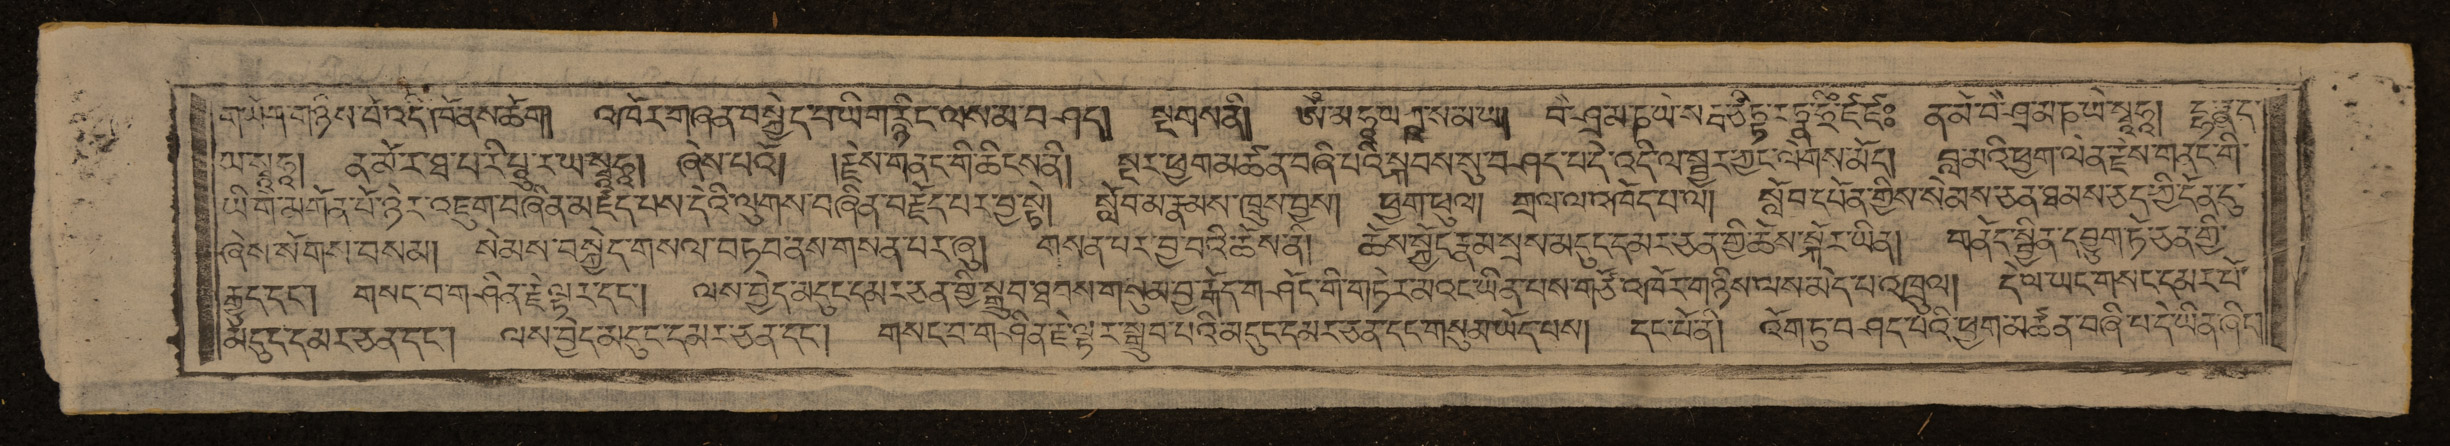གཡོག་གཉིས་པོ་འདི་ཁོ་ནས་ཆོག། འཁོར་གཞན་བསྐྱེད་པ་ཡིག་རྙིང་ལས་མ་བཤད། སྔགས་ནི། ཨོཾ་མཧཱ་ཡཀྵ་ས་མ་ཡ། བཻ་ཤྲ་མ་ཎ་ཡེ་སརྦ་ཙིཏྟ་རཏྣ་ཧྲིཾ་ཛ་ཛཿ ན་མོ་བཻ་ཤྲ་མ་ཎ་ཡེ་སྭཱཧཱ། དྷ་ན་ད་
ཡ་སྭཱཧཱ། ན་མོ་ར་ཐ་པ་རི་པཱུ་ར་ཡ་སྭཱཧཱ། ཞེས་པའོ། །རྗེས་གནང་གི་ཆིངས་ནི། སྔར་ཕྱག་མཚན་བཞི་པའི་སྐབས་སུ་བཤད་པ་དེ་འདི་ལ་སྦྱར་ཀྱང་ལེགས་མོད། བླ་མའི་ཕྱག་ལེན་རྗེས་གནང་གི་
ཡི་གེ་མགོན་པོ་ཉེར་འཇུག་བཞིན་མཛད་པས་དེའི་ལུགས་བཞིན་བརྗོད་པར་བྱ་སྟེ། སློབ་མ་རྣམས་ཁྲུས་བྱས། ཕྱག་ཕུལ། གྲལ་ལ་འཁོད་པ་ལ། སློབ་དཔོན་གྱིས་སེམས་ཅན་ཐམས་ཅད་ཀྱི་དོན་དུ་
ཞེས་སོགས་བསམ། སེམས་བསྐྱེད་གསལ་བཏབ་ནས་གསན་པར་ཞུ། གསན་པར་བྱ་བའི་ཆོས་ནི། ཆོས་སྐྱོང་རྣམ་སྲས་མདུང་དམར་ཅན་གྱི་ཆོས་སྐོར་ཡིན། གནོད་སྦྱིན་དབྱུག་ཏོ་ཅན་གྱི་
རྒྱུད་དང་། གསང་བ་གཤིན་རྗེ་ལྟར་དང་། ལས་བྱེད་མདུང་དམར་ཅན་གྱི་སྒྲུབ་ཐབས་གསུམ་བྱ་རྒོད་གཤོང་གི་གཏེར་མའང་ཡིན་པས་གཙོ་འཁོར་གཉིས་ལས་མེད་པ་འཁྲུལ། དེ་ལ་ཡང་གསང་དམར་པོ་
མདུང་དམར་ཅན་དང་། ལས་བྱེད་མདུང་དམར་ཅན་དང་། གསང་བ་གཤིན་རྗེ་ལྟར་སྒྲུབ་པའི་མདུང་དམར་ཅན་དང་གསུམ་ཡོད་པས། དང་པོ་ནི། འོག་ཏུ་བཤད་པའི་ཕྱུག་མཚན་བཞི་པ་དེ་ཡིན་ཞིང་།